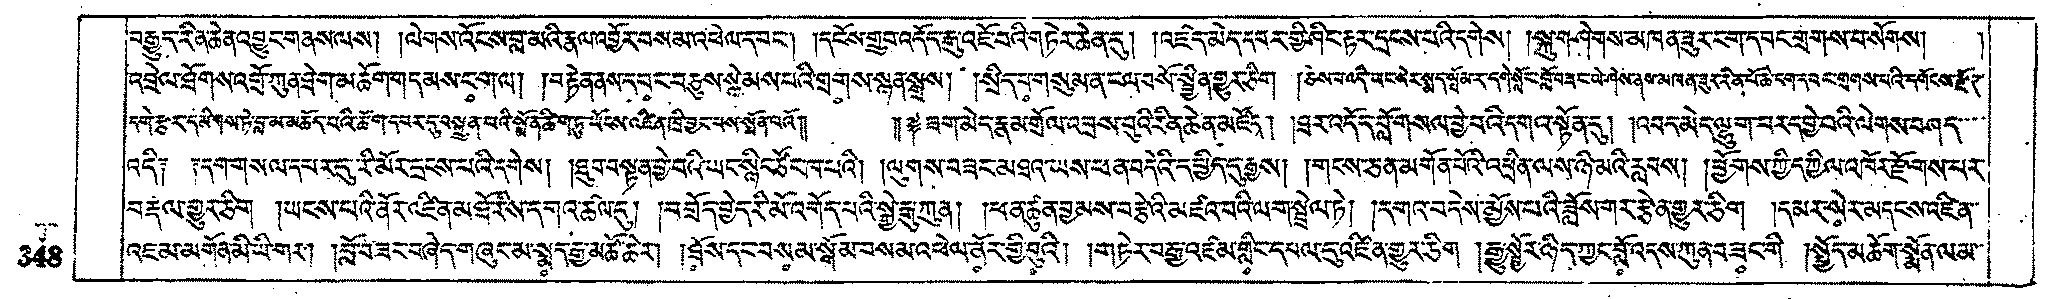བརྒྱུད་རིན་ཆེན་འབྱུང་གནས་ལས། །ལེགས་འོངས་བླ་མའི་རྣལ་འབྱོར་བསམ་འཕེལ་དབང་། །དངོས་གྲུབ་འདོད་རྒུ་འཇོ་བའི་གཏེར་ཆེན་དུ། །འཛད་མེད་དཔར་གྱི་ཤིང་རྟར་དྲངས་པའི་དགེས། །སྐུ་གཤེགས་མཁན་ཟུར་ངག་དབང་གྲགས་པ་སོགས། །
འབྲེལ་ཐོགས་འགྲོ་ཀུན་ཐེག་མཆོག་གདམས་ངག྾་ལ། །བརྟེན་ནས་དབང྾་བཅུས་སྙེམས་པའི་གྲགས྾་སྙན་སྒྲས། །སྲིད་པ྾་གསུམ་ན་ངལ་བསོ་སྦྱིན་གྱུར་ཅིག །ཅེས་པ་འདི་ཡང་སེར་སྨད་སྤོམ་ར་དགེ་སློང་བློ་བཟང་ཡེ་ཤེས་ནས་མཁན་ཟུར་རིན་པོ་ཆེ་ངག་དབང་གྲགས་པའི་དགོངས་རྫོཌ་
དགེ་རྩར་དམིགས་ཏེ་བླ་མ་མཆོད་པའི་ཆོ་ག་དཔར་དུ་བསྐྲུན་པའི་སྨོན་ཚིག་ཏུ་ཡོངས་འཛིན་ཁྲི་བྱང་པས་སྨོན་པའོ།། །། འ་ཟག་མེད་རྣམ་གྲོལ་འབྲས་བུའི་རིན་ཆེན་མཛོད། །ཐར་འདོད་བློ་གསལ་བྱེད་བའི་དགའ་སྟོན་དུ། །འབད་མེད་ལྷུག་པར་དབྱེ་བའི་ལེགས་བཤད་་་
འདི༑ ༑དག་གསལ་དཔར་དུ་རི་མོར་དྲངས་པའི་དགེས། །ཐུབ་བསྟན་བྱེ་བའི་ཡང་སྙིང་ཙོང་ཁ་པའི། །ལུགས་བཟང་མཐའ་ཡས་ཕན་བདེའི་དཔྱིད་དུ་རྒྱས། །གངས་ཅན་མགོན་པོའི་འཕྲིན་ལས་ཉི་མའི་རླབས། །ཕྱོགས་ཀྱི་དཀྱིལ་འཁོར་རྫོགས་པར་
བརྡལ་གྱུར་ཅིག །ཡངས་པའི་ནོར་འཛིན་མཐོ་རིས་དགའ་ཚལ་དུ། །བགྲོད་བྱེད་རི་མོ་འགོད་པའི་སྐྱེ་རྒུ་ཀུན། །ཕན་ཚུན་བྱམས་བརྩེའི་མཛའ་བའི་ལག་སྦྲེལ་ཏེ། །དགའ་བདེས་མྱོས་པའི་ཟློས་ག་རྩེན་གྱུར་ཅིག །དམར་སེར྾་མདངས་འཛིན་་་
འཇམ་མགོན་མི་ཡི་གར། །བློ་བཟང་བཞེད་གཞུང་མ་སྨད྾་རྒྱ་མཚོ་ཆེར། །ཐོས྾་དང་བསམ྾་སྒོམ་བསམ་འཕེལ་ནོར྾་གྱི་བུའི྾། །གཏེར་བརྒྱ་འཛམ་གླིང྾་དཔལ་དུ་འཛིན་གྱུར་ཅིག །རྒྱུ་སྦྱོར་ཉིད་ཀྱང་བློ྾་འདས་ཀུན་བཟང྾་གི། །སྤྱོད་མཆོག་སྨོན་ལམ་་་